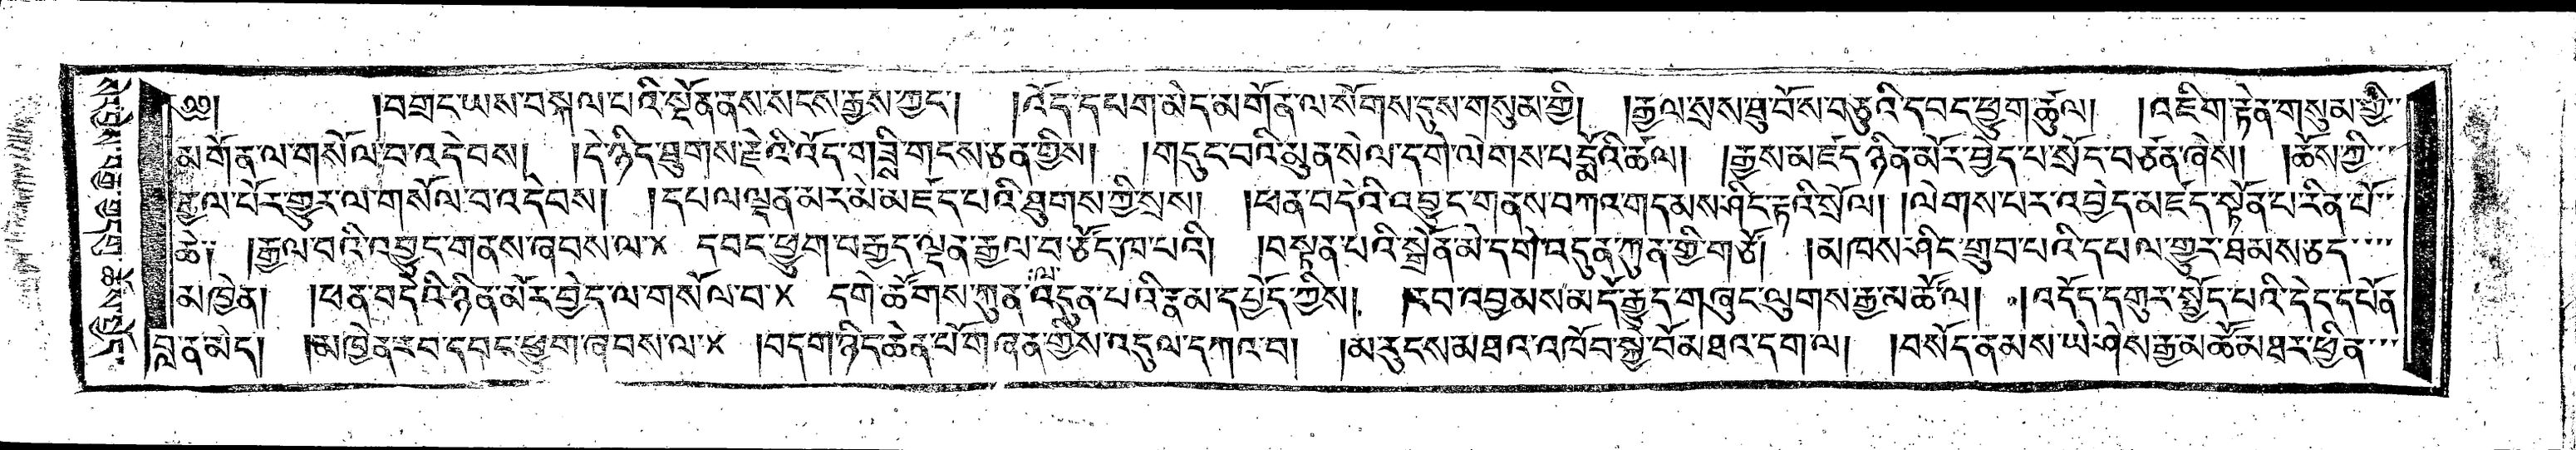༄༅། །བགྲང་ཡས་བསྐལ་བའི་སྔོན་ནས་སངས་རྒྱས་ཀྱང་། །འོད་དཔག་མེད་མགོན་ལ་སོགས་དུས་གསུམ་གྱི། །རྒྱལ་སྲས་ཐུ་བོ་ས་བཅུའི་དབང་ཕྱུག་ཚུལ། །འཇིག་རྟེན་གསུམ་གྱི་
མགོན་ལ་གསོལ་བ་འདེབས། །དེ་ཉིད་ཐུགས་རྗེའི་འོད་གཟིས་གངས་ཅན་གྱིས། །གདུང་བའི་མུན་སེལ་དགེ་ལེགས་པདམོའི་ཚལ། །རྒྱས་མཛད་ཉིན་མོར་བྱེད་པ་སྲོང་བཙན་ཞེས། །ཆོས་ཀྱི་
རྒྱལ་པོར་གྱུར་ལ་གསོལ་བ་འདེབས། །དཔལ་ལྡན་མར་མེ་མཛད་པའི་ཐུགས་ཀྱི་སྲས། །ཕན་བདེའི་འབྱུང་གནས་བཀའ་གདམས་ཤིང་རྟའི་སྲོལ། །ལེགས་པར་འབྱེད་མཛད་སྟོན་པ་རིན་པོ་
ཆེ༑ །རྒྱལ་བའི་འབྱུང་གནས་ཞབས་ལ་{྾}་དབང་ཕྱུག་བརྒྱད་ལྡན་རྒྱལ་བ་ཚོང་ཁ་པའི། །བསྟན་པའི་སྒྲོན་མེ་དགེ་འདུན་ཀུན་གྱི་གཙོ། །མཁས་ཤིང་གྲུབ་པའི་དཔལ་གྱུར་ཐམས་ཅད་
མཁྱེན། །ཕན་བདེའི་ཉིན་མོར་བྱེད་ལ་གསོལ་བ་{྾}་དགེ་ཚོགས་ཀུན་ལ་འདུན་པའི་རྣམ་དཔྱོད་ཀྱིས། །རབ་འབྱམས་མདོ་རྒྱུད་གཞུང་ལུགས་རྒྱ་མཚོ་ལ། །འདོད་དགུར་སྤྱོད་པའི་དེད་དཔོན་
བླ་ན་མེད། །མཁྱེན་རབ་དབང་ཕྱུག་ཞབས་ལ་{྾}་།བདག་ཉིད་ཆེན་པོ་གཞན་གྱིས་འདུལ་དཀའ་བ། །མ་རུངས་མཐའ་འཁོབ་སྐྱེ་བོ་མཐའ་དག་ལ། །བསོད་ནམས་ཡེ་ཤེས་རྒྱ་མཚོ་མཐར་ཕྱིན་